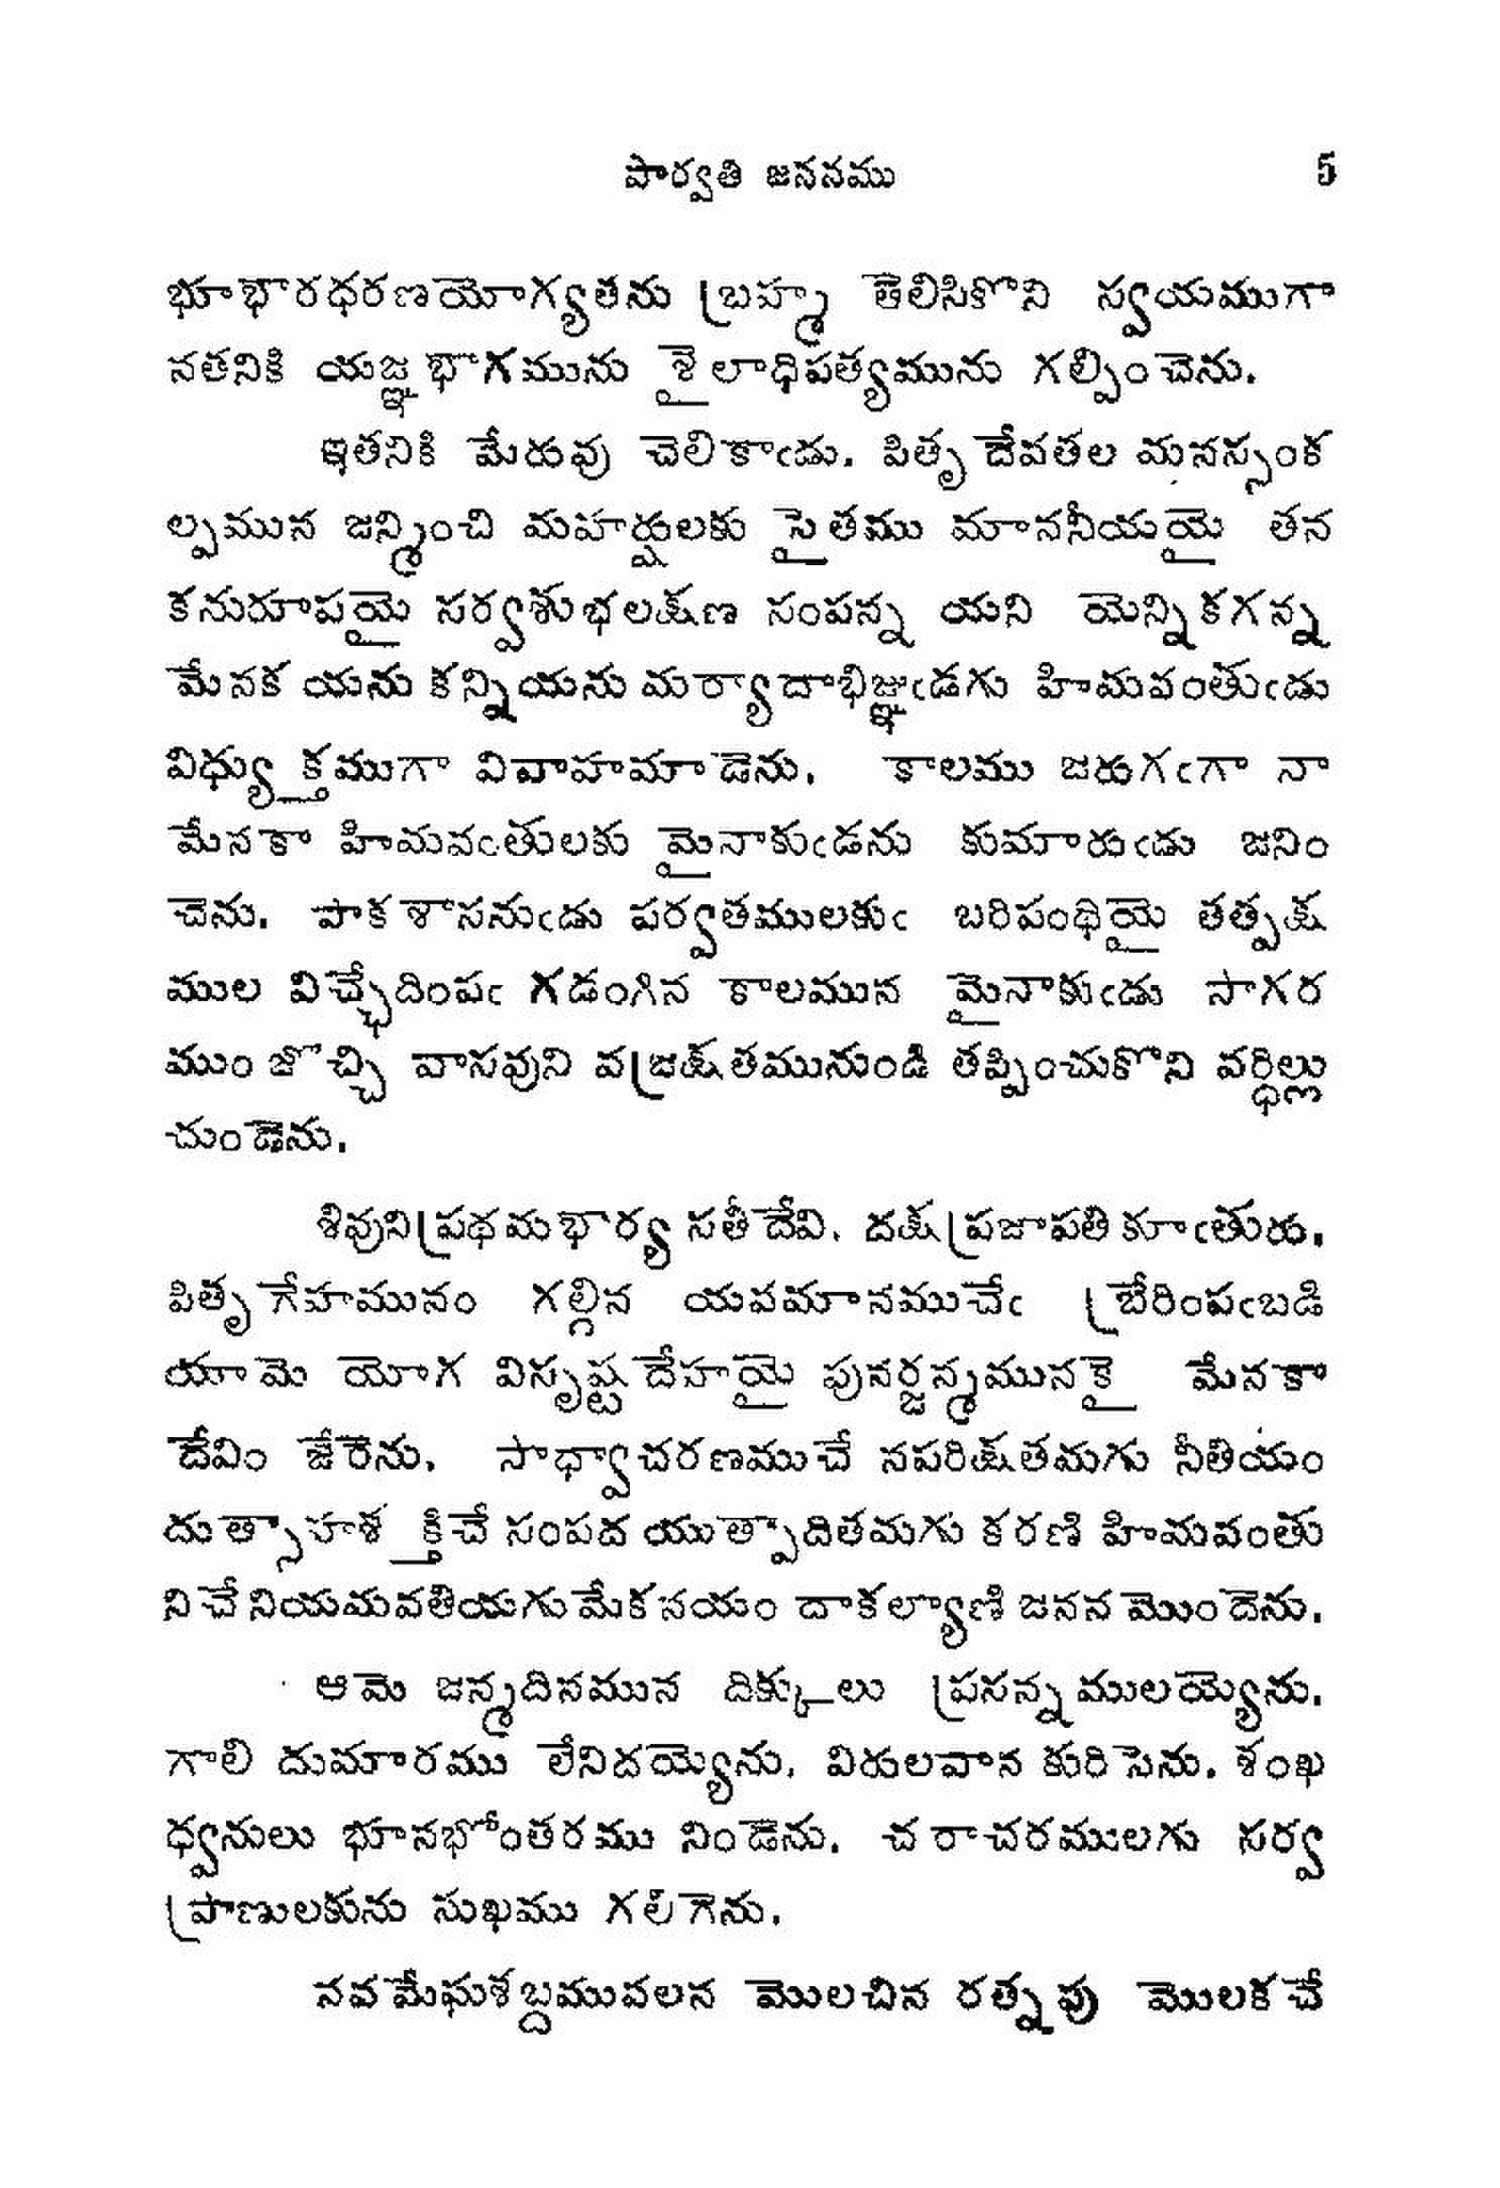భూభారధరణయోగ్యతను బ్రహ్మ తెలిసికొని స్వయముగా నతనికి యజ్ఞ భాగమును శైలాధిపత్యమును గల్పించెను.

ఇతనికి మేరువు చెలికాఁడు, పితృ దేవతల మనస్సంకల్పమున జన్మించి మహర్షులకు సైతము మాననీయయై తన
కనురూపయై సర్వశుభలక్షణ సంపన్న యని యెన్నికగన్న మేనక యను కన్నియను మర్యాదాభిజ్ఞుఁడగు హిమవంతుఁడు
విధ్యుక్తముగా వివాహమాడెను, కాలము జరుగఁగా నా మేనకా హిమవంతులకు మైనాకుఁడను కుమారుఁడు జనించెను. పాకశాసనుఁడు పర్వతములకుఁ బరిపంధియై తత్పక్షముల విచ్ఛేదింపఁ గడంగిన కాలమున మైనాకుఁడు సాగరముం జొచ్చి వాసవుని వజ్రక్షతమునుండి తప్పించుకొని వర్ధిల్లుచుండెను.

శివుని ప్రథమభార్య సతీ దేవి. దక్ష ప్రజాపతి కూఁతురు, పితృ గేహమునం గల్గిన యవమానముచేఁ బ్రేరింపఁబడి
యామె యోగ విసృష్ట దేహయై పునర్జన్మమునకై మేనకాదేవిం జేరెను, సాధ్వాచరణముచే నపరిక్షతమగు నీతియం
దుత్సాహశక్తిచే సంపద యుత్పాదితమగు కరణి హిమవంతునిచే నియమవతియగు మేక నయం దాకల్యాణి జనన మొందెను.

ఆమె జన్మదినమున దిక్కులు ప్రసన్నములయ్యెను. గాలి దుమారము లేనిదయ్యెను, విరులవాన కురిసెను. శంఖధ్వనులు భూనభోంతరము నిండెను. చరాచరములగు సర్వ ప్రాణులకును సుఖము గలిగెను.

నవ మేఘశబ్దమువలన మొలచిన రత్నపు మొలకచే